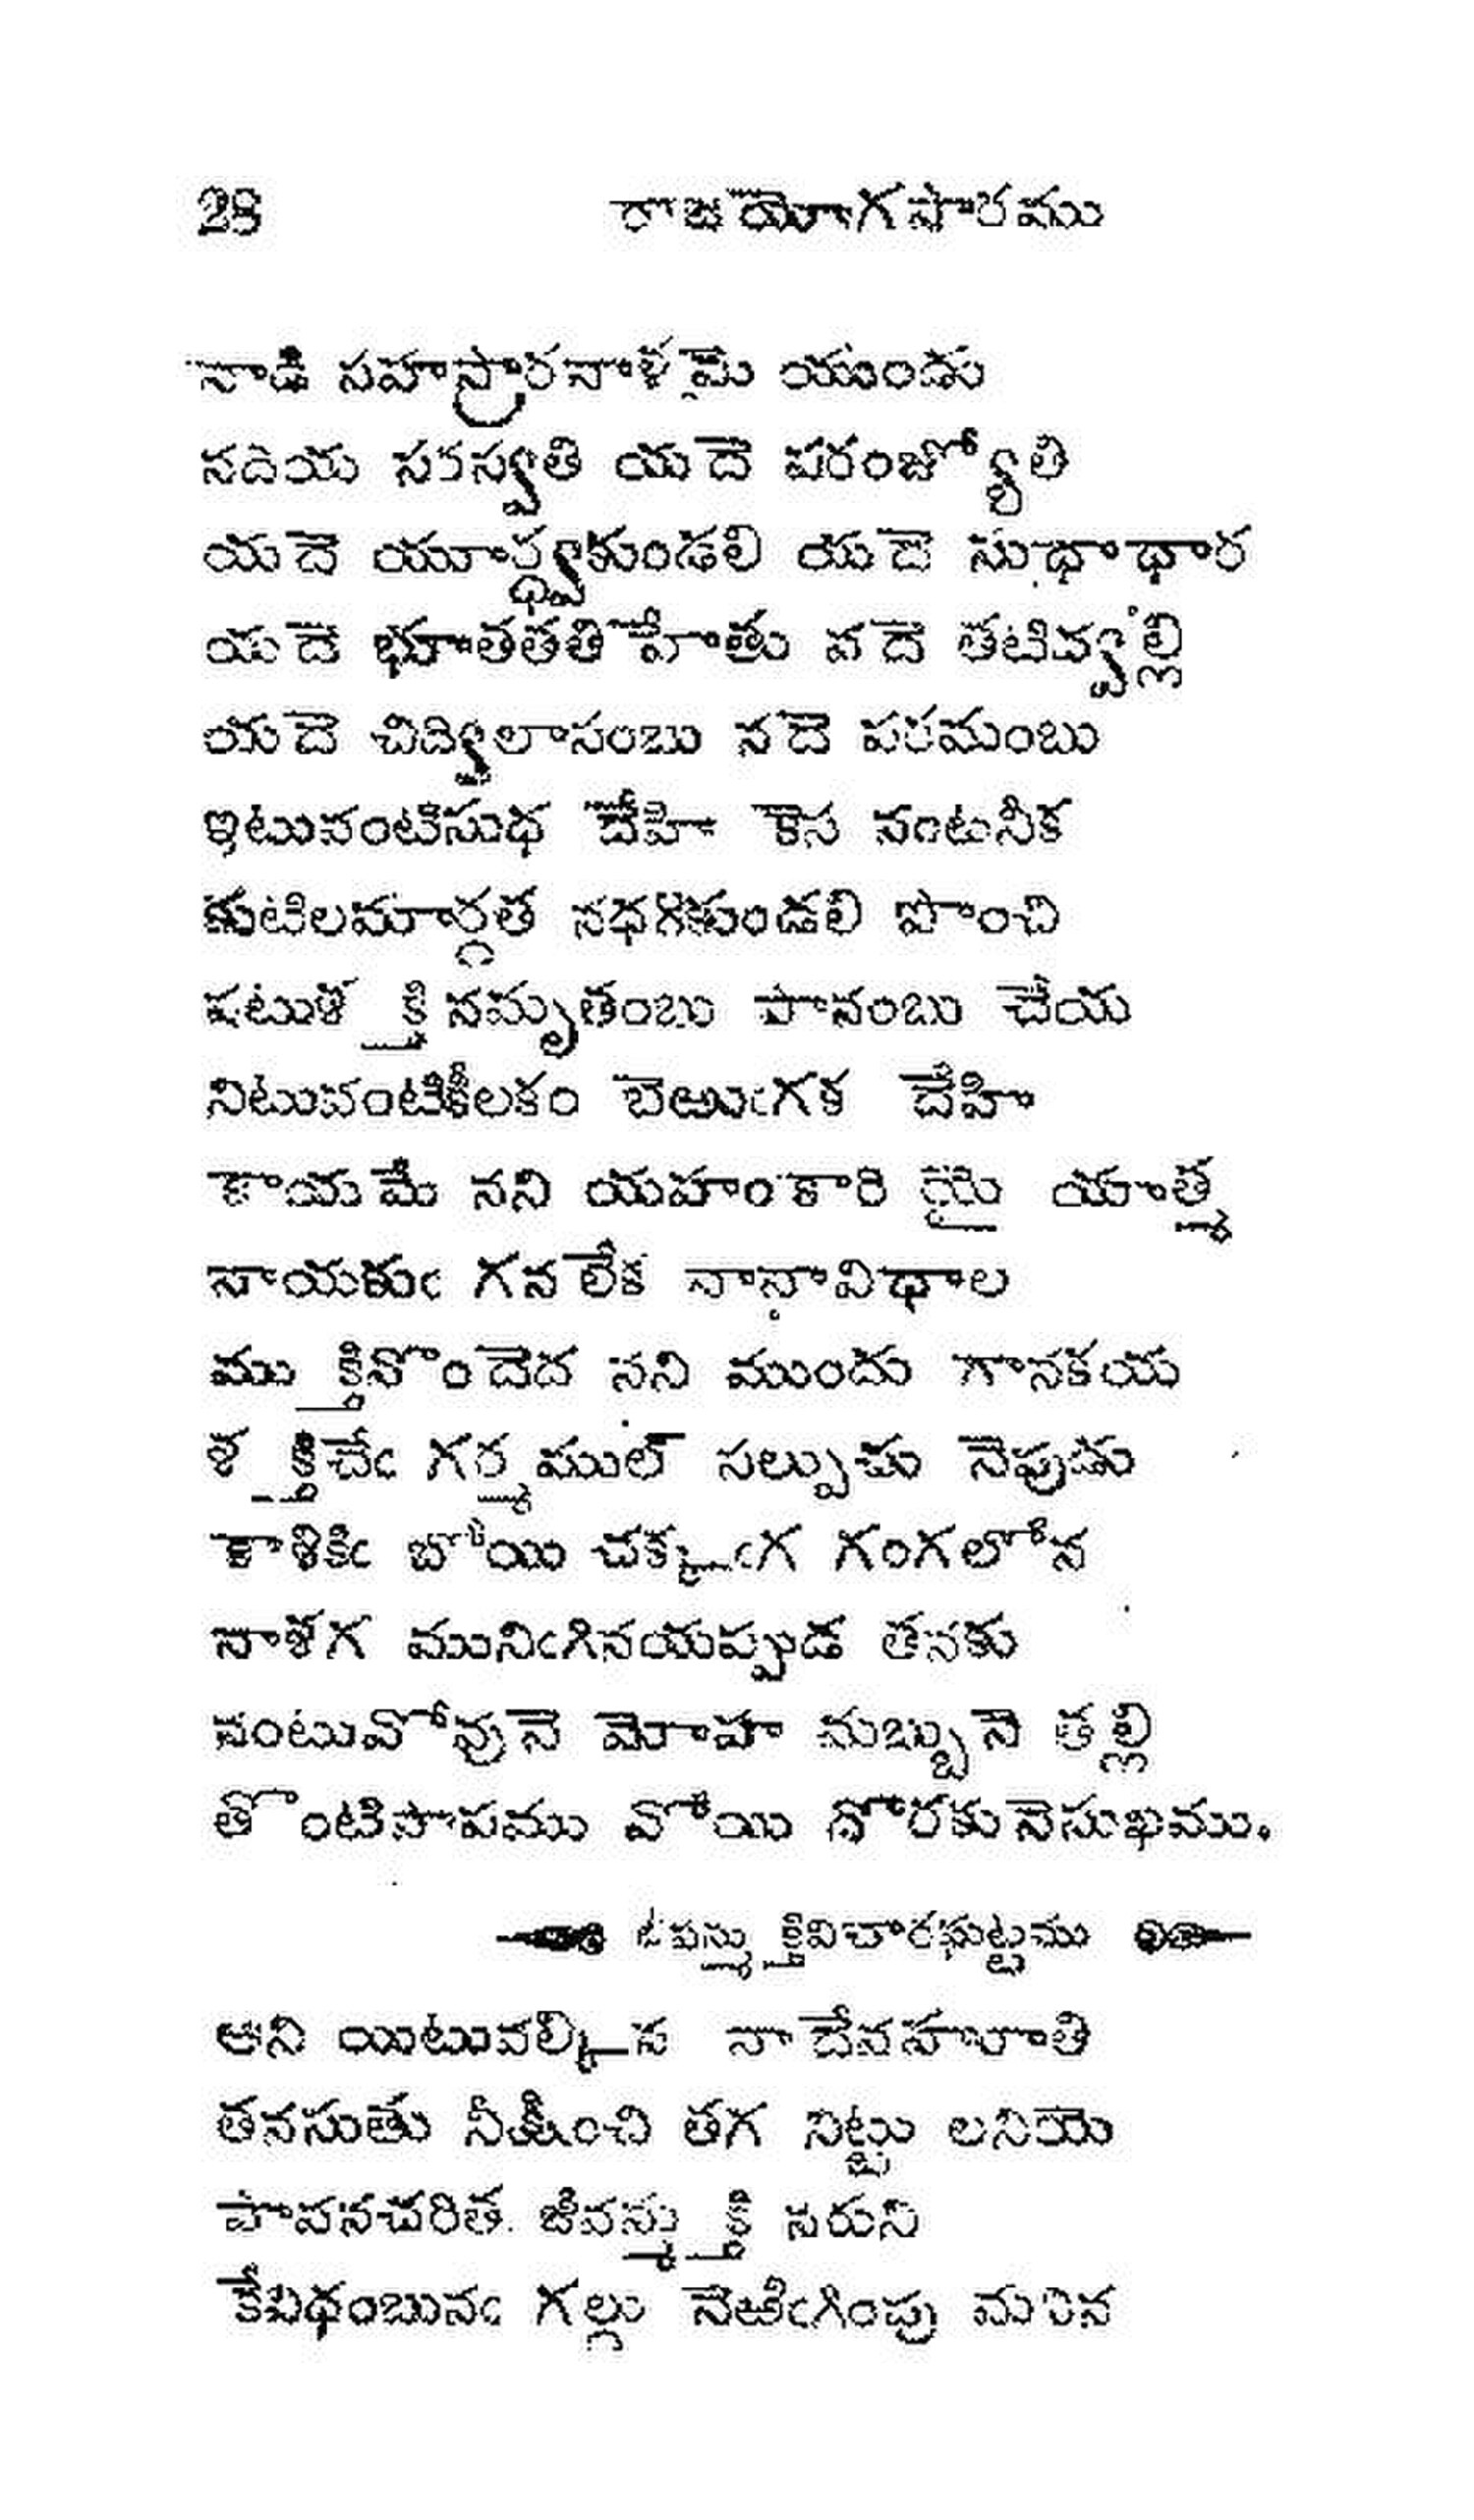నాడి సహస్రారనాళమై యుండు
నదియ సరస్వతి యదె పరంజ్యోతి
యదా యూర్ధ్వకుండలి యదె సుధాధార
యదె భూతతతిహేతు వదె తటిద్వల్లి
యదె చిద్విలాసంబు నదె పరమంబు
ఇటువంటిసుధ దేహి కెస నంటనీక
కుటిలమార్గత నధఃకుండలి పొంచి
పటుశక్తి నమృతంబు పానంబు చేయ
నిటువంటికీలకం బెఱుఁగక దేహి
కాయమే నని యహంకారి యై యాత్మ
నాయకుఁ గనలేక నానావిధాల
ముక్తినొందెద నని ముందు గానకయ
శక్తిచేఁ గర్మముల్ సల్పుచు నెపుడు
కాశికిఁ బోయి చక్కగ గంగలోన
నాశగ మునిఁగినయప్పుడ తనకు
నంటువోవునె మోహ మబ్బునె తల్లి
తొంటిపాపము వోయి దొరకునె సుఖము.

 

అని యిటువల్కిన నాదేవహూతి
తనసుతు నీక్షించి తగ నిట్టు లనియె
పావనచరిత జీవన్ముక్తి నరుని
కేవిధంబునఁ గల్గు నెఱిఁగింపు మనిన